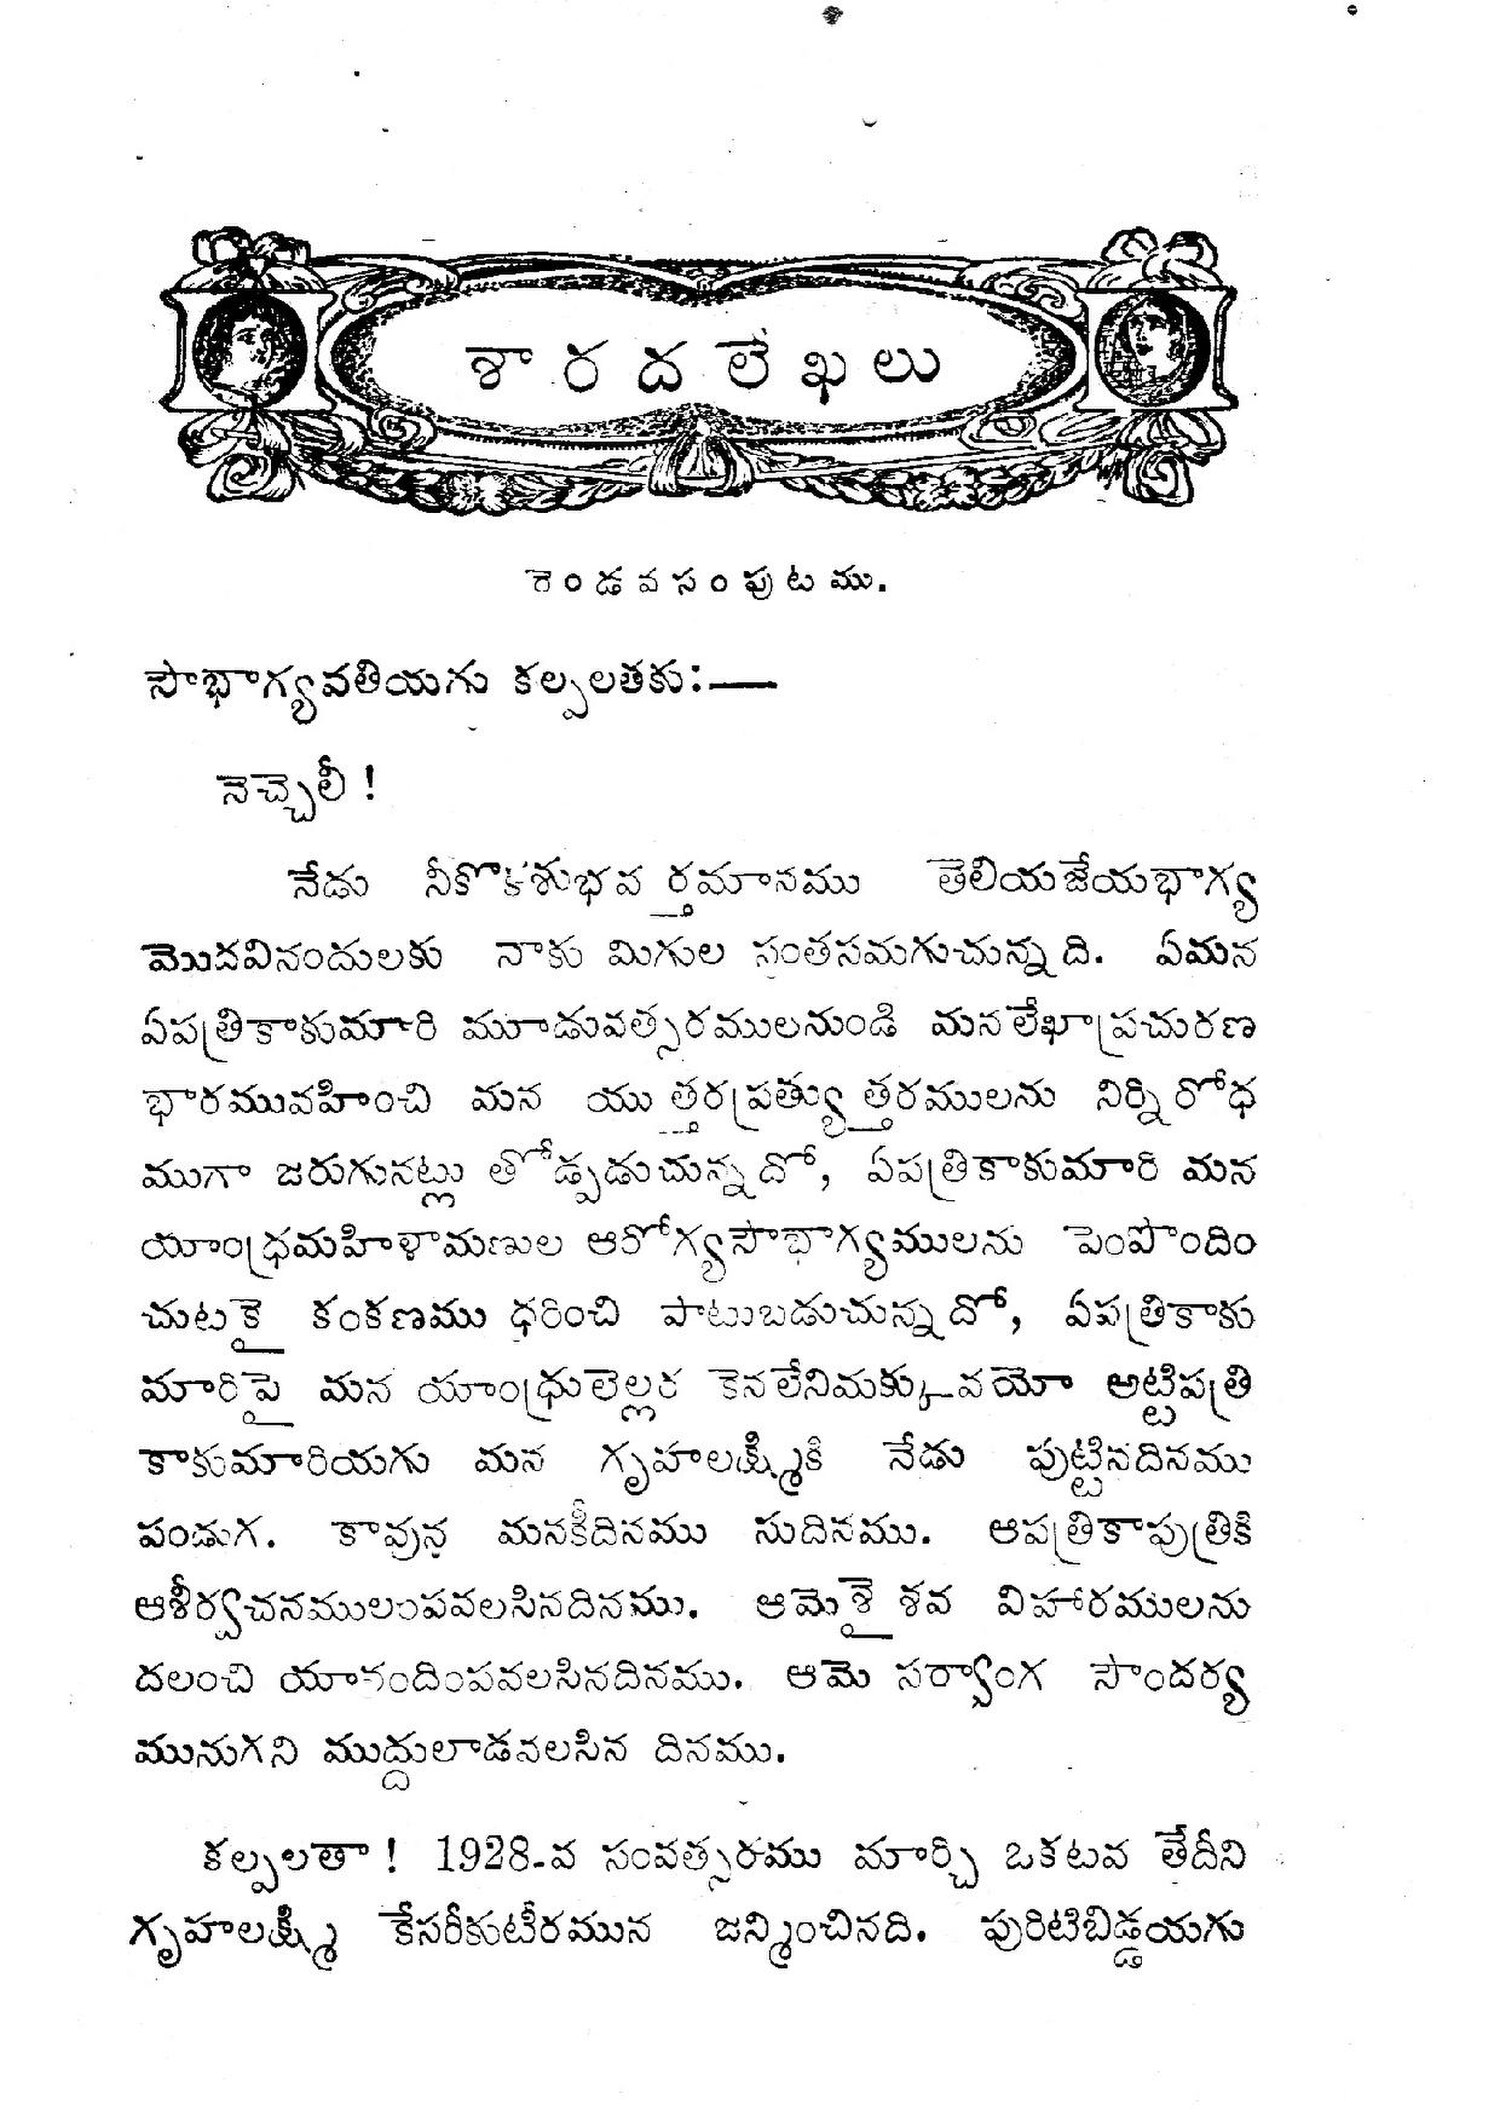సౌభాగ్యవతియగు కల్పలతకు:--

నెచ్చెలీ!

నేడు నీకొకశుభవర్తమానము తెలియ జేయభాగ్యమొదవినందులకు నాకు మిగుల సంతసమగుచున్నది. ఏమన ఏపత్రికాకుమారి మూడువత్పరములనుండి మన లేఖా ప్రచురణభారమువహించి మన యుత్తర్యప్రత్యుత్తరములను నిర్నిరోధముగా జరుగునట్లు తోడ్పడుచున్నదో, ఏపత్రికాకుమారి మన
యాంధ్రమహిళామణుల ఆరోగ్వసౌభాగ్యములను "పెంపొందించుటనై_ కంకణము ధరించి పాటుబడుచున్నదో, ఏపత్రికాకుమారిపై మన యాంధ్రులెల్లర కెనలేనిమక్కువయో అట్టిపత్రికాకుమారియగు మన గృహలక్ష్మికి నేడు పుట్టినదినము పండుగ. కావున మనకీదినము సుదినము. అపత్రికాపుత్రికి అశీర్వచనములంపవలసినదినము. ఆమె శైశవ విపోరములను
దలంచి యానందింపవలసినదినము, ఆమె సర్వాంగ సాందర్యమునుగని ముద్దులాడవలసిన దినము.

కల్పలతా! 1928-వ సంవత్పరము మార్చి ఒకటవ తేదీని గృహలక్ష్మి కేసరీకుటీరమున జన్మించినది, పురిటిబిడ్ణయగు